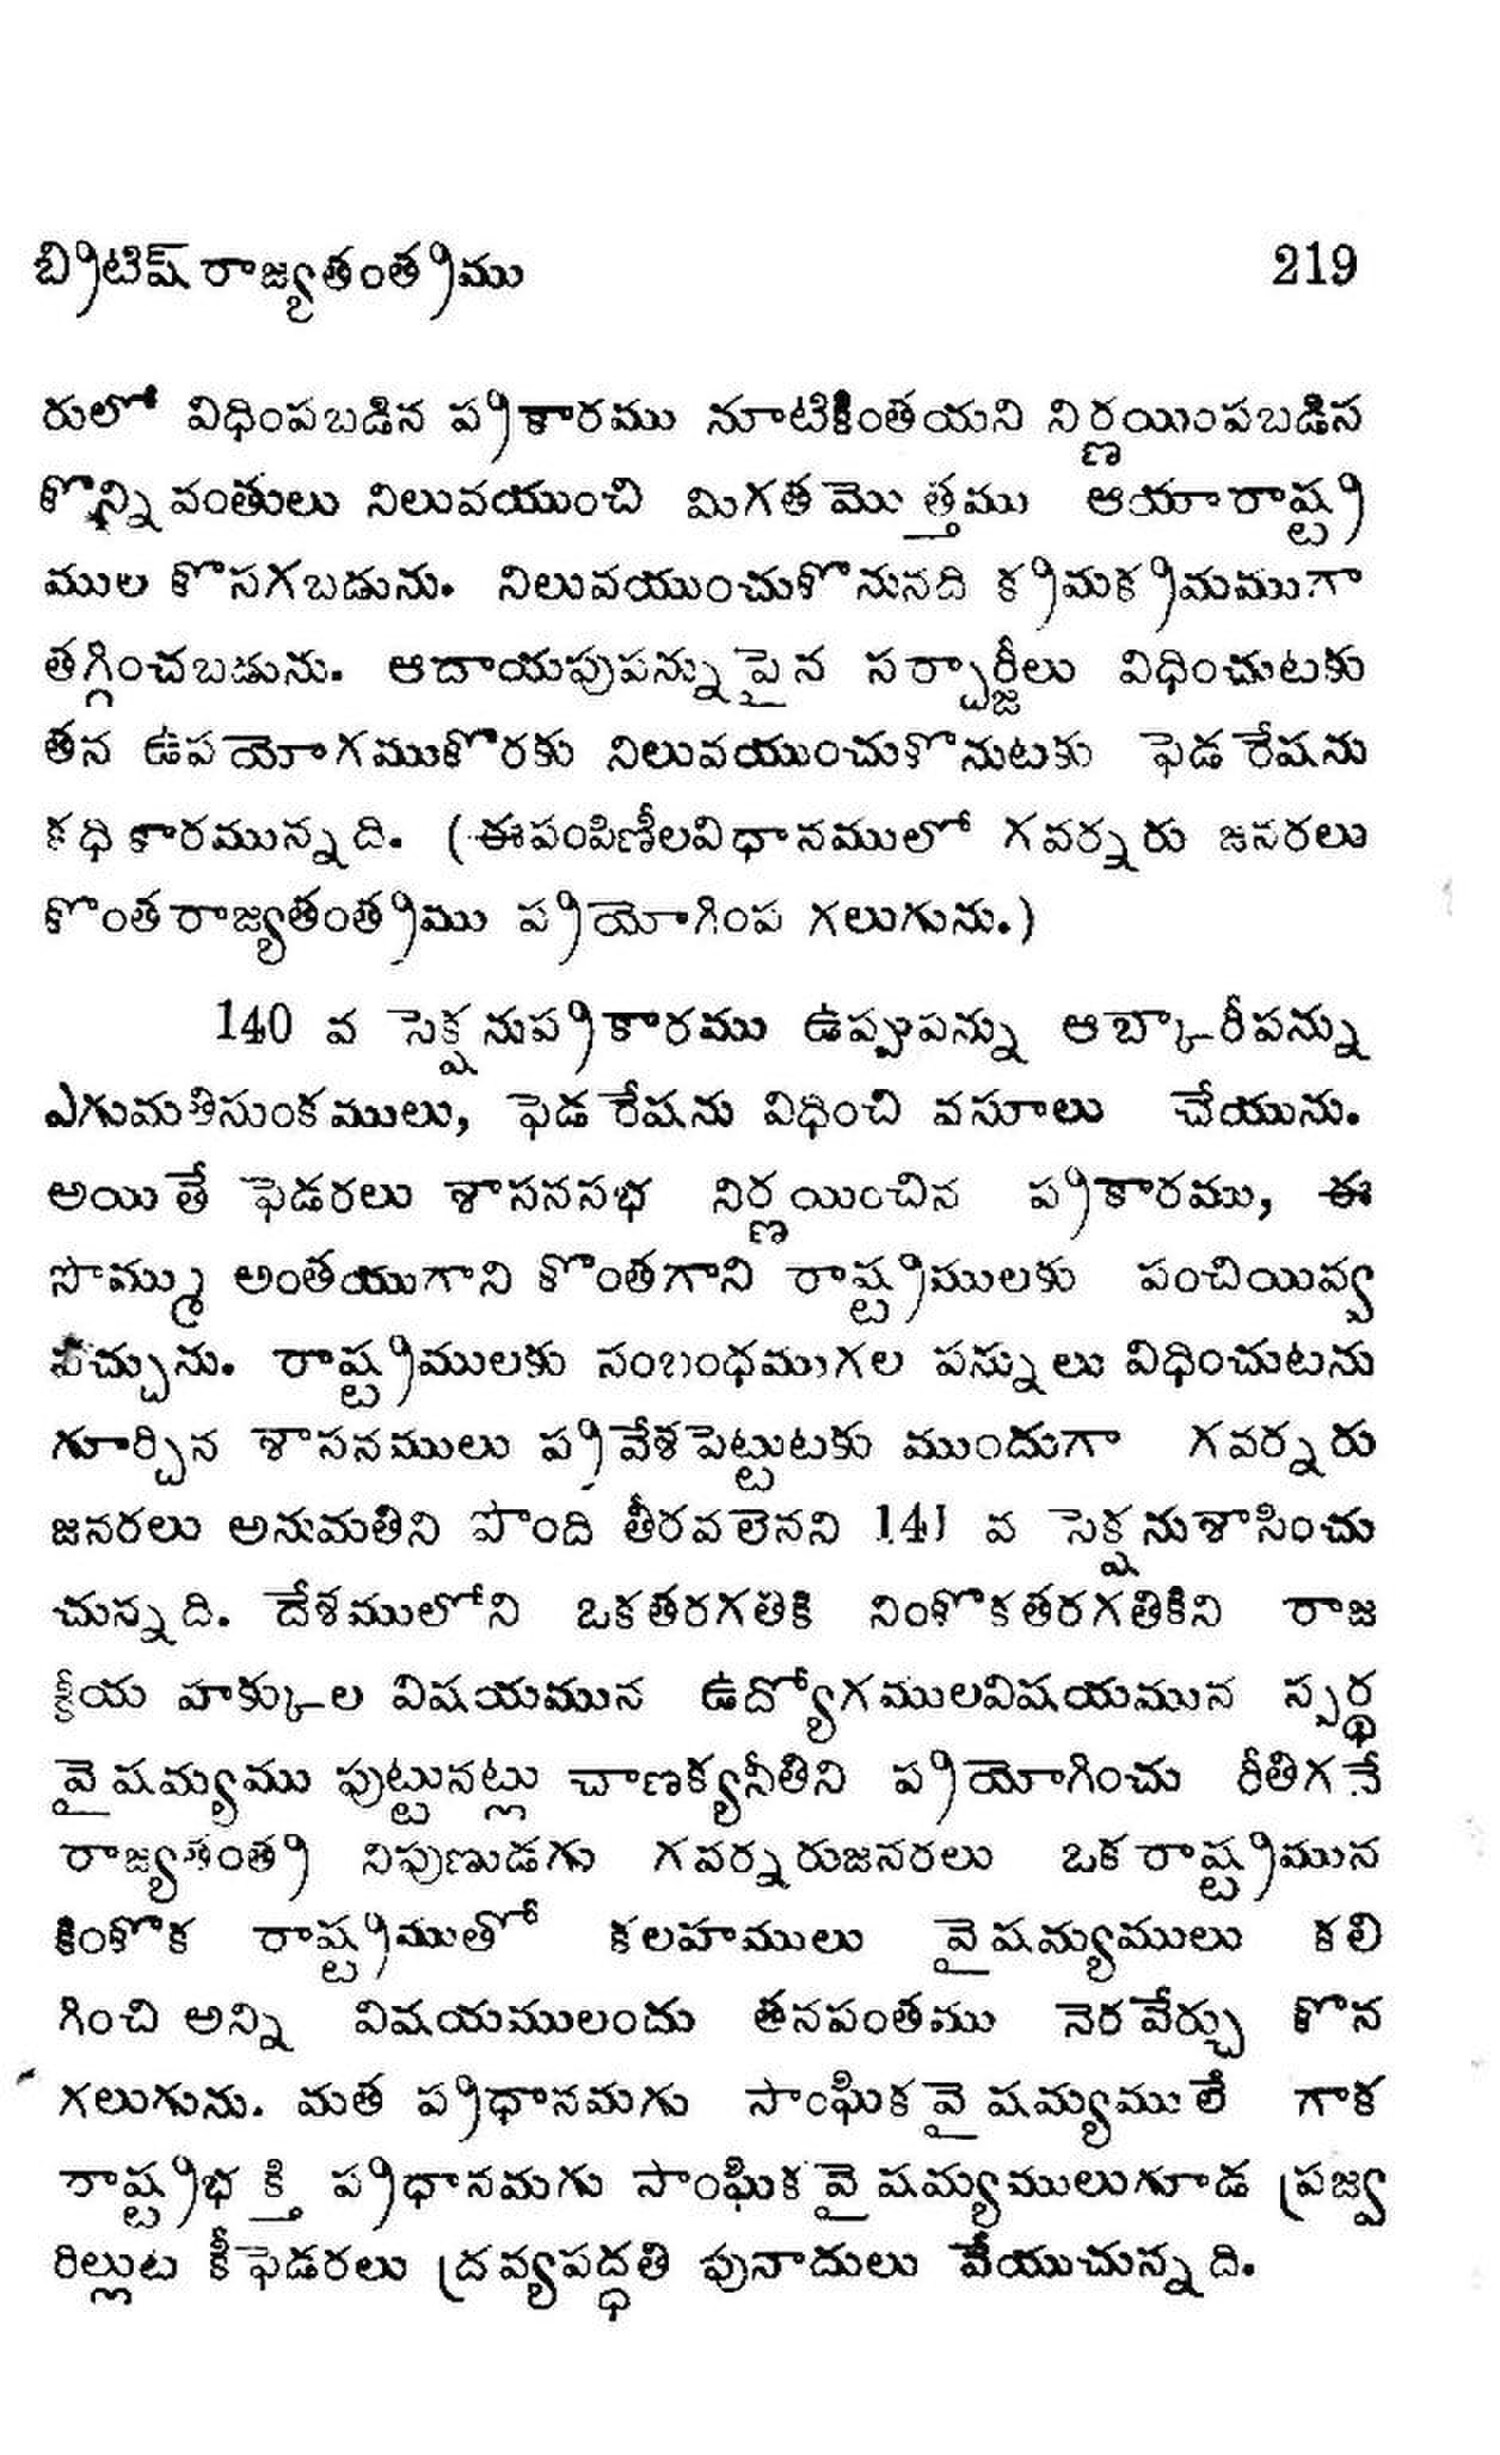రులో విధింపబడిన ప్రకారము నూటికింతయని నిర్ణయింపబడిన కొన్నివంతులు నిలువయుంచి మిగతమొత్తము ఆయారాష్ట్రముల కొసగబడును. నిలువయుంచుకొనునది క్రమక్రమముగా తగ్గించబడును. ఆదాయపుపన్నుపైన సర్చార్జీలు విధించుటకు తన ఉపయోగముకొరకు నిలువయుంచుకొనుటకు ఫెడరేషను కధికారమున్నది. (ఈపంపిణీలవిధానములో గవర్నరు జనరలు కొంత రాజ్యతంత్రము ప్రయోగింప గలుగును. )

140 వ సెక్షనుప్రకారము ఉప్పుపన్ను ఆబ్కారీపన్ను ఎగుమతిసుంకములు, ఫెడరేషను విధించి వసూలు చేయును. అయితే ఫెడరలు శాసనసభ నిర్ణయించిన ప్రకారము, ఈ సొమ్ము అంతయుగాని కొంతగాని రాష్ట్రములకు పంచియివ్వ వచ్చును. రాష్ట్రములకు సంబంధముగల పన్నులు విధించుటను గూర్చిన శాసనములు ప్రవేశపెట్టుటకు ముందుగా గవర్నరు జనరలు అనుమతిని పొంది తీరవలెనని 141 వ సెక్షనుశాసించుచున్నది. దేశములోని ఒకతరగతికి నింకొకతరగతికిని రాజకీయ హక్కుల విషయమున ఉద్యోగములవిషయమున స్పర్థ వైషమ్యము పుట్టునట్లు చాణక్యనీతిని ప్రయోగించు రీతిగనే రాజ్యతంత్ర నిపుణుడగు గవర్నరుజనరలు ఒకరాష్ట్రమున కింకొక రాష్ట్రముతో కలహములు వైషమ్యములు కలిగించి అన్ని విషయములందు తనపంతము నెరవేర్చు కొనగలుగును. మత ప్రధానమగు సాంఘికవైషమ్యములే గాక రాష్ట్రభక్తి ప్రధానమగు సాంఘికవైషమ్యములుగూడ ప్రజ్వరిల్లుట కీఫెడరలు ద్రవ్యపద్దతి పునాదులు వేయుచున్నది.